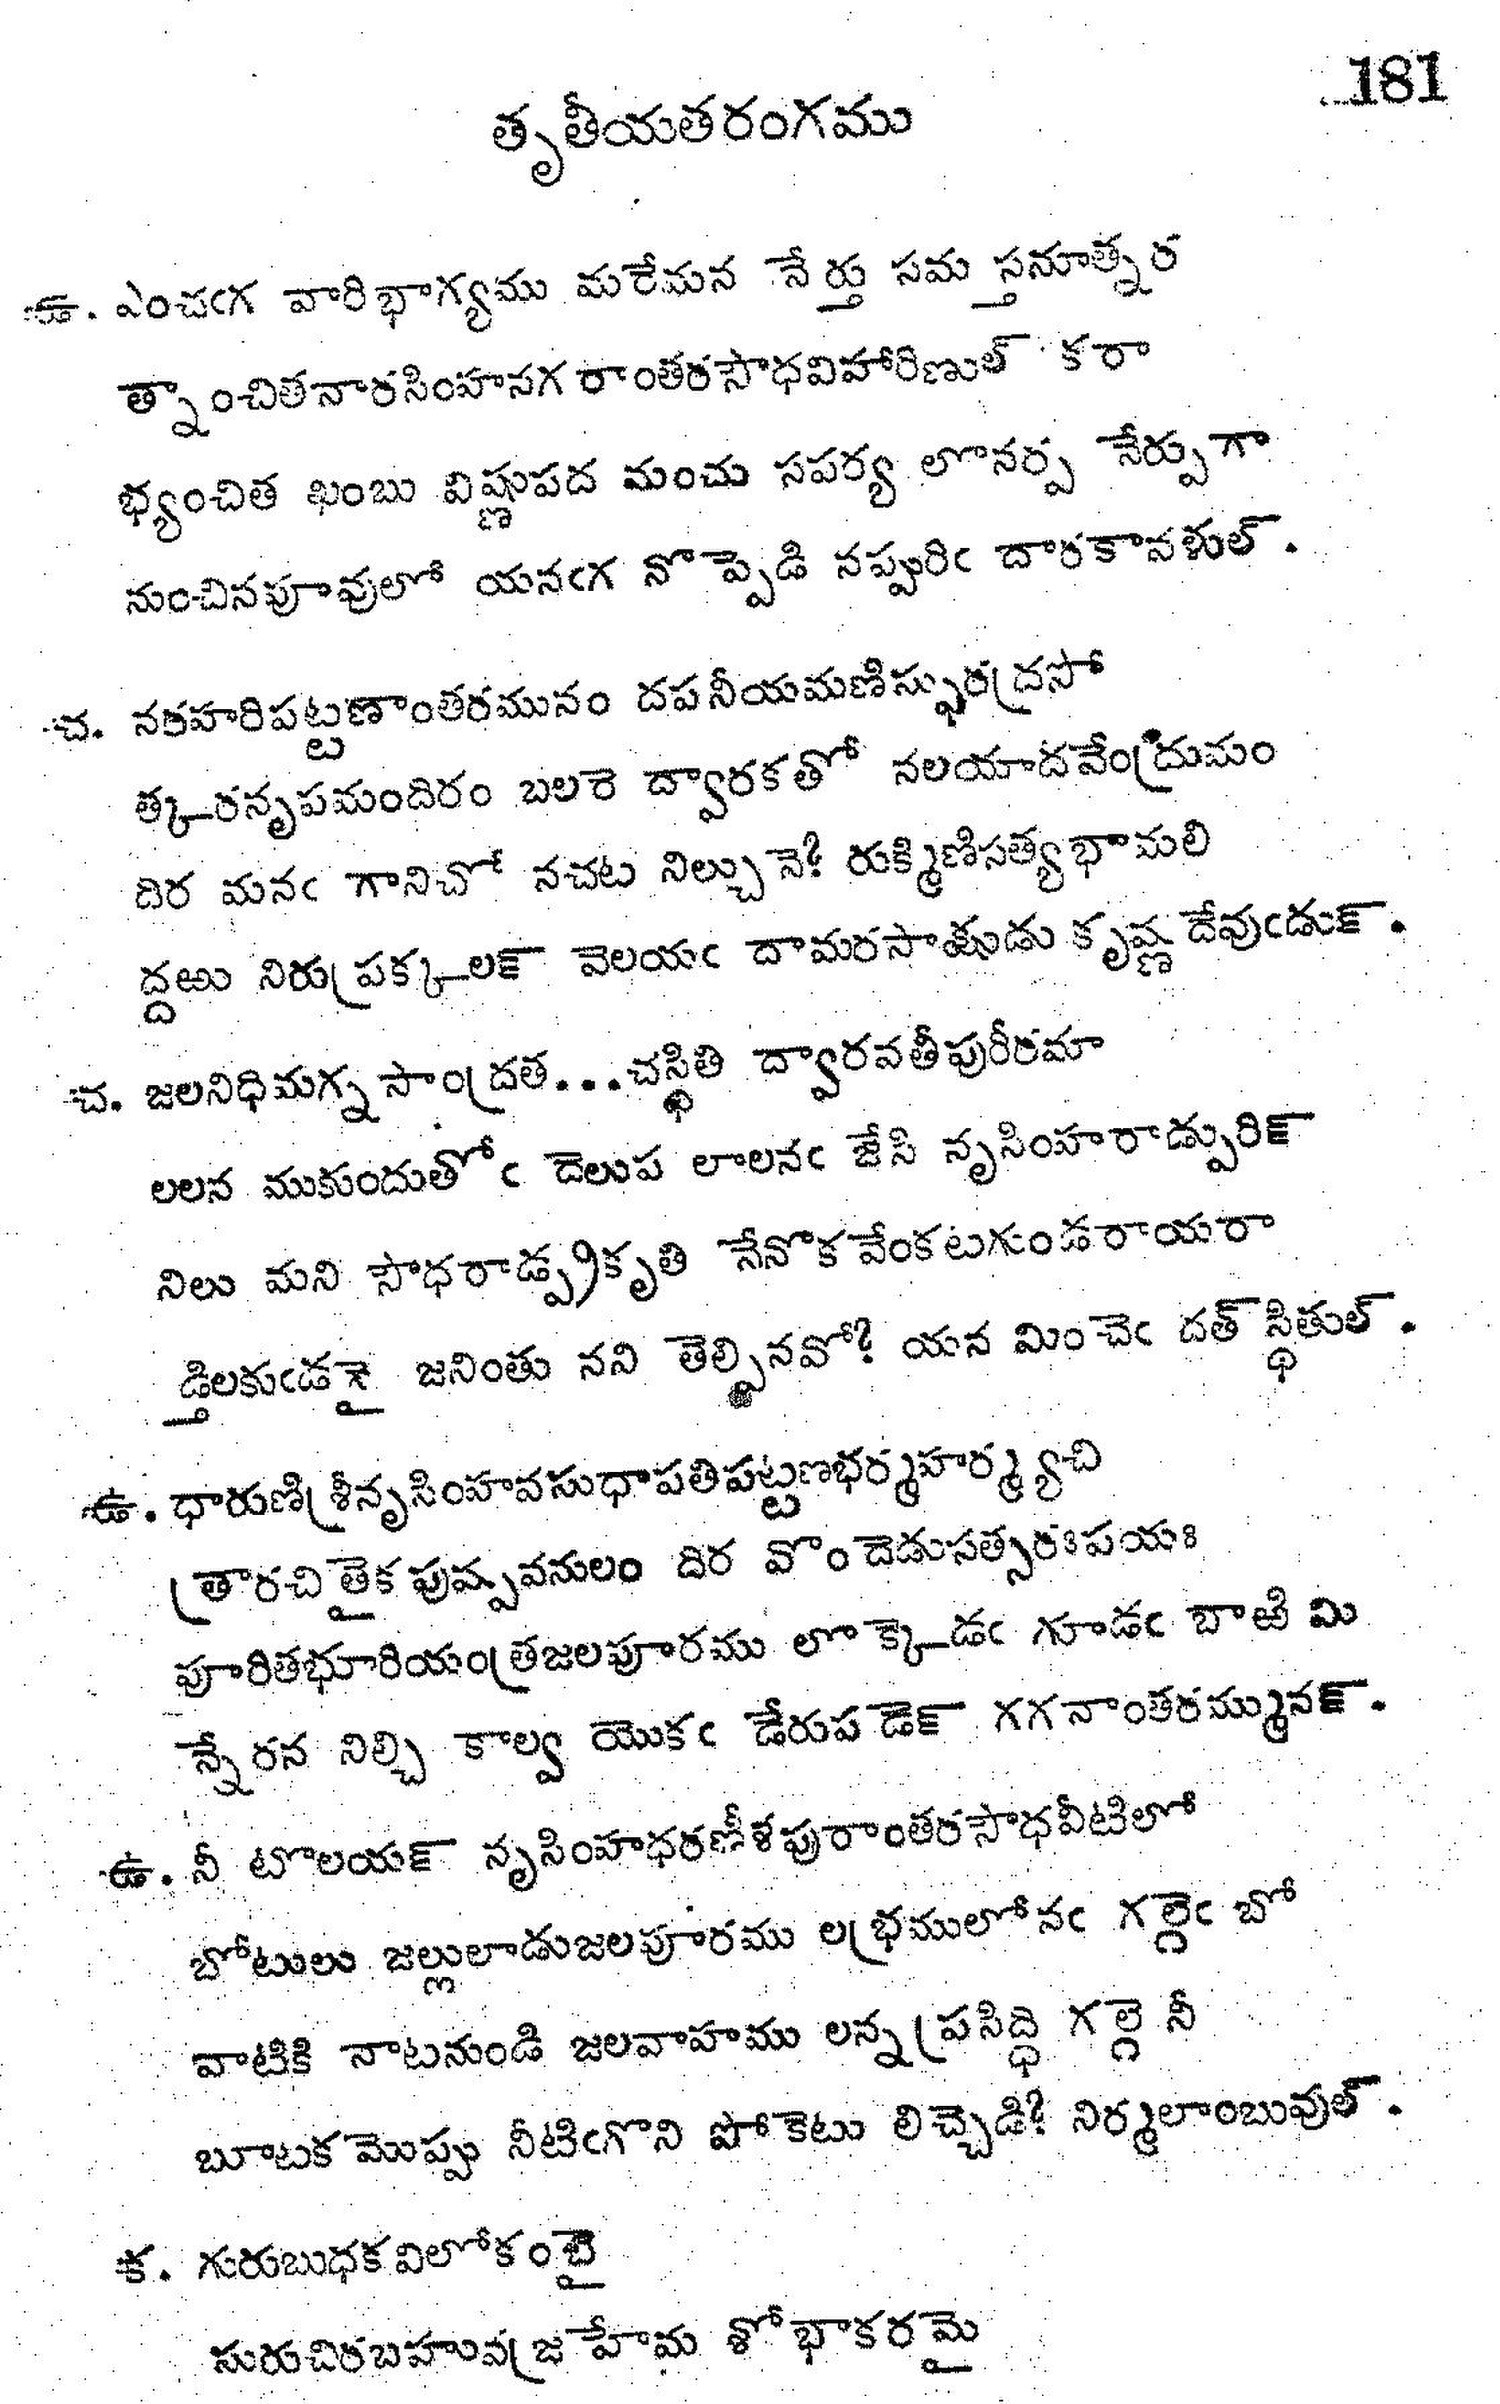ఉ. ఎంచఁగ వారిభాగ్యము మరేమన నేర్తు సమస్తనూత్నర
 త్నాంచితనారసింహనగరాంతరసౌధవిహారిణుల్ కరా
 భ్యంచితఖంబువిష్ణపద మంచు సపర్య లొనర్ప నేర్పుగా
 నుంచినపూవులో యనఁగ నొప్పెడి నప్పురిఁ దారకావళుల్.

చ. నరహరిపట్టణాంతరమునం దపనీయమణిస్ఫురద్రసో
 త్కరనృపమందిరం బలరె ద్వారకతో నలయాదవేంద్రుమం
 దిర మనఁ గానిచో నచట నిల్చునె? రుక్మిణిసత్యభామలి
 ద్దఱు నిరుప్రక్కలన్ వెలయఁ దామరసాక్షుఁడు కృష్ణదేవుఁడున్.

చ. జలనిధిమగ్నసాంద్రత....చస్థితి ద్వారవతీపురీరమా
 లలన ముకుందుతోఁ దెలుప లాలనఁ జేసి నృసింహరాడ్పురిన్
 నిలు మని సౌధరాడ్ప్రకృతి నే నొకవేంకటగుండరాయరా
 డ్తిలకుఁడనై జనింతు నని తెల్పినవో? యన మించెఁ దత్స్థితుల్.

ఉ. ధారుణిశ్రీనృసింహవసుధాపతిపట్టణభర్మహర్మ్యచి
 త్రారచితైకపుష్పవనులం దిర వొందెడు సత్సరఃపయః
 పూరితభూరియంత్రజలపూరము లొక్కెడఁ గూడఁ బాఱి మి
 న్నేరన నిల్చి కాల్వ యొకఁ డేరుపడెన్ గగనాంతరమ్మునన్.

ఉ. నీ టొలయన్ నృసింహధరణీశపురాంతరసౌధవీటిలో
 బోటులు జల్లులాడుజలపూరము లభ్రములోనఁ గల్గెఁ బో
 వాటికి నాటనుండి జలవాహము లన్నప్రసిద్ధి గల్గె నీ
 బూటక మొప్పు నీటిఁగొని పోకెటు లిచ్చెడి? నిర్మలాంబువుల్.

క. గురుబుధకవిలోకంబై
 సురుచిరబహువజ్రహేమశోభాకరమై